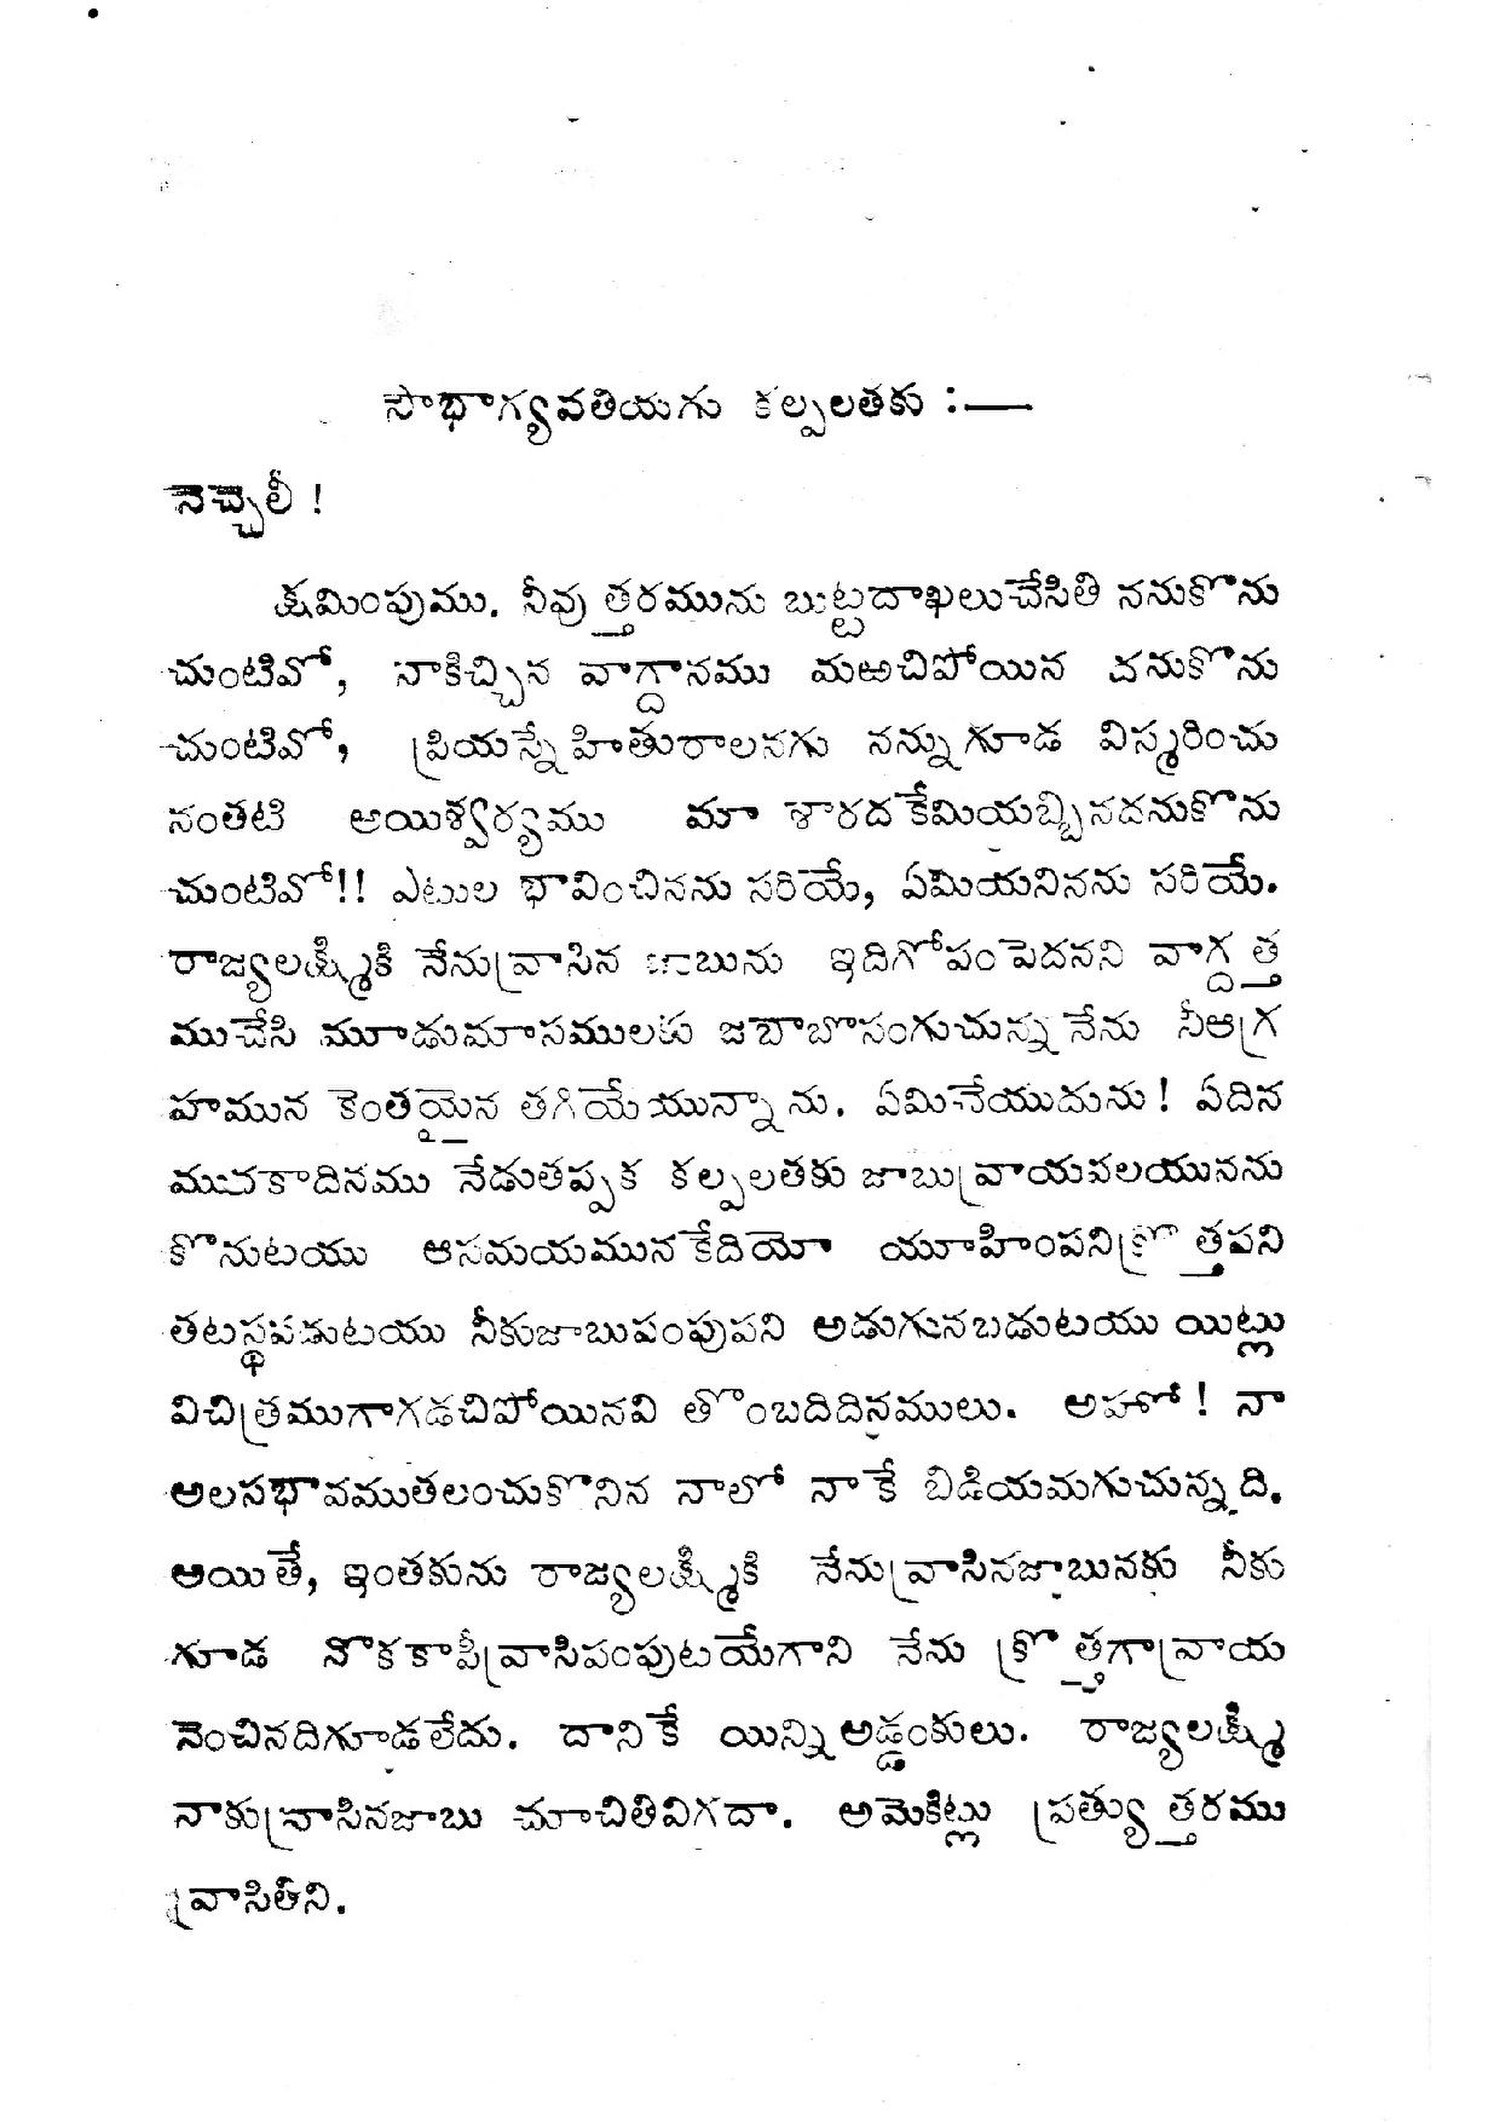నెచ్చెలీ!

క్షమింపుము, నీవు త్తరమును బుట్టదాఖలు చేసితి ననుకొను
చుంటివో, నాకిచ్చిన వాగ్దానము మఱచిపోయిన దనుకొను
చుంటివో, ప్రియస్నేహితురాలునగు నన్ను గూడ విస్మరించు
నంతటి అయిశ్వర్యము మా శారద కేమియబ్బినదనుకొను
చుంటివో!! ఎటుల భావించినను సరియే, ఏమియనినను సరియే.
రాజ్యలక్ష్మికి నేనువ్రాసిన బాబును ఇదిగోపం పెదనని వాగ్దత్త
ముచేసి మూడుమాసములకు జబా బొసంగుచున్న నేను నీఆగ్ర
హమున కెంతయైన తగియేయున్నాను. ఏమిచేయుదును! ఏదిన
మునకాదినము నేడుతప్పక కల్పలతకు జాబు వ్రాయవలయునను
కొనుటయు ఆసమయమునకేదియో యూహింపని క్రొత్తపని
తటస్థపడుటయు నీకుజాబుపంపుపని అడుగున బడుటయు యిట్లు
విచిత్రముగాగడచిపోయినవి తొంబదిదినములు. అహో! నా
అలసభావముతలంచుకొనిన నాలో నాకే బిడియమగుచున్నది.
అయితే, ఇంతకును రాజ్యలక్ష్మికి నేనువ్రాసినజాబునకు నీకు
గూడ నొక కాపీ వ్రాసిపంపుటయేగాని నేను క్రొత్తగావ్రాయ
నెంచినదిగూడలేదు. దానికే యిన్ని అడ్డంకులు. రాజ్యలక్ష్మి
నాకువ్రాసినజాబు చూచితివిగదా. అమెకిట్లు ప్రత్యుత్తరము
వ్రాసితిని.